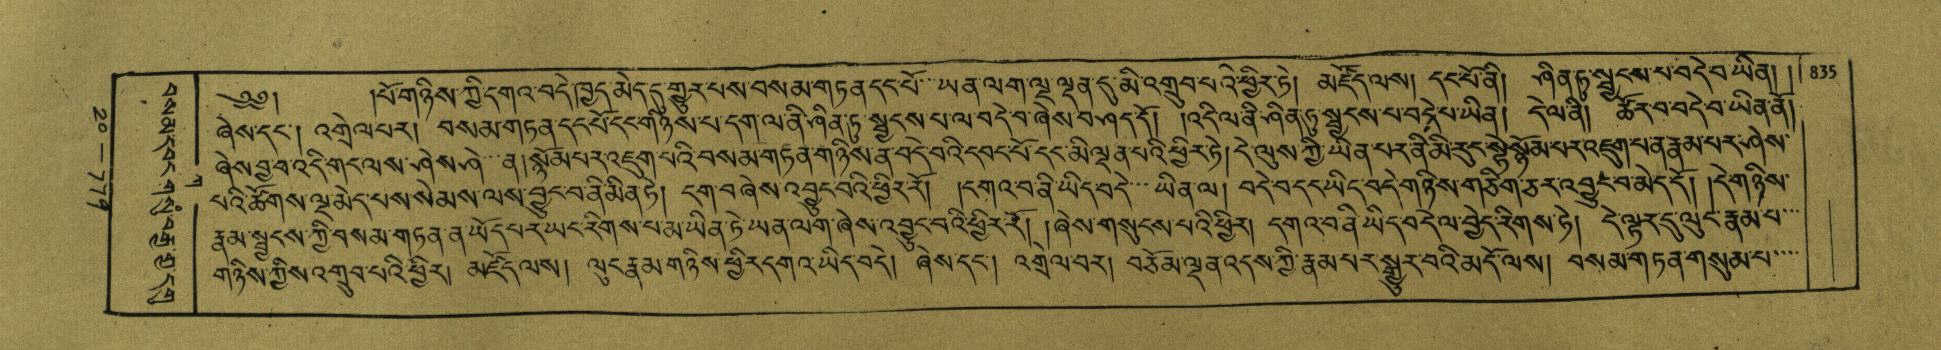༄༅། །པོ་གཉིས་ཀྱི་དགའ་བདེ་ཁྱད་མེད་དུ་གྱུར་པས་བསམ་གཏན་དང་པོ་ཡན་ལག་ལྔ་ལྡན་དུ་མི་འགྲུབ་པའི་ཕྱིར་ཏེ། མཛོད་ལས། དང་པོ་ནི། ཤིན་ཏུ་སྦྱངས་པ་བདེ་བ་ཡིན། །
ཞེས་དང་། འགྲེལ་པར། བསམ་གཏན་དང་པོ་དང་གཉིས་པ་དག་ལ་ནི་ཤིན་ཏུ་སྦྱངས་པ་ལ་བདེ་བ་ཞེས་བཤད་དོ། །འདི་ལ་ནི་ཤིན་ཏུ་སྦྱངས་པ་བདེ་པ་ཡིན། དེ་ལ་ནི། ཚོར་བ་བདེ་བ་ཡིན་ནོ། ། ཏུ་སྦྱངས་པ་བདེ་པ་ཡིན། དེ་ལ་ནི། ཚོར་བ་བདེ་བ་ཡིན་ནོ། །
ཞེས་བྱ་བ་འདི་གང་ལས་ཤེས་ཤེ་ན། སྙོམ་པར་འཇུག་པའི་བསམ་གཏན་གཉིས་ན་བདེ་བའི་དབང་པོ་དང་མི་ལྡན་པའི་ཕྱིར་ཏེ། དེ་ལུས་ཀྱི་ཡིན་པར་ནི་མི་རུང་སྟེ་སྙོམ་པར་འཇུག་པ་ན་རྣམ་པར་ཤེས་
པའི་ཚོགས་ལྔ་མེད་པས་སེམས་ལས་བྱུང་བ་ནི་མིན་ཏེ། དག་བ་ཞེས་འབྱུང་བའི་ཕྱིར་རོ། །དགའ་བ་ནི་ཡིད་བདེ་ཡིན་ལ། བདེ་བ་དང་ཡིད་བདེ་གཉིས་གཅིག་ཅར་འབྱུང་བ་མེད་དོ། །དེ་གཉིས་
རྣམ་སྦྱངས་ཀྱི་བསམ་གཏན་ན་ཡོད་པར་ཡང་རིགས་པ་མ་ཡིན་ཏེ་ཡན་ལག་ཞེས་འབྱུང་བའི་ཕྱིར་རོ། །ཞེས་གསུངས་པའི་ཕྱིར། དགའ་བ་ནི་ཡིད་བདེ་ལ་བྱེད་རིགས་ཏེ། དེ་ལྟར་དུ་ལུང་རྣམ་པ་
གཉིས་ཀྱིས་འགྲུབ་པའི་ཕྱིར། མཛོད་ལས། ལུང་རྣམ་གཉིས་ཕྱིར་དགའ་ཡིད་བདེ། ཞེས་དང་། འགྲེལ་བར། བཅོམ་ལྡན་འདས་ཀྱི་རྣམ་པར་སྒྱུར་བའི་མདོ་ལས། བསམ་གཏན་གསུམ་པ་